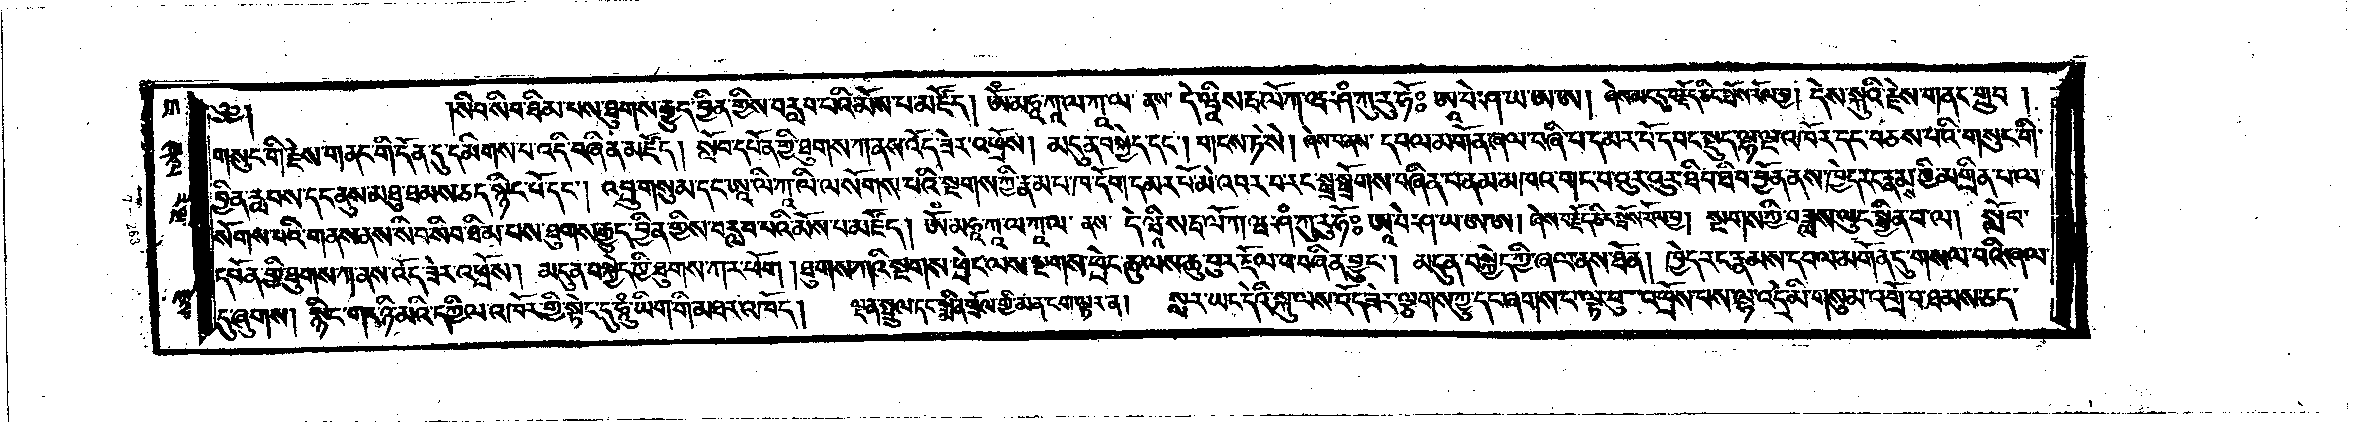༄༅། །སིབ་སིབ་ཐིམ་པས་ཐུགས་རྒྱུད་བྱིན་གྱིས་བརླབ་པའི་མོས་པ་མཛོད། ཨོཾ་མྷཱ་ཀཱ་ལ་ཀཱ་ལ་ནས་དེ་ཝཱི་སརྦ་ལོ་ཀ་ཝ་ཤ྾་ཀུ་རུ་ཧོཿཨཱ་པེ་ཤ་ཡ་ཨ་ཨ། ཞེས་མང་དུ་བརྗོད་ཅིང་སྤོས་རོལ་བྱ།  དེས་སྐུའི་རྗེས་གནང་གྲུབ།
གསུང་གི་རྗེས་གནང་གི་དོན་དུ་དམིགས་པ་འདི་བཞིན་མཛད། སློབ་དཔོན་གྱི་ཐུགས་ཀ་ནས་འོད་ཟེར་འཕྲོས། མདུན་བསྐྱེད་དང་། གངས་ཏེ་སེ། ཞེས་པ་ནས།  དཔལ་མགོན་ཞལ་བཞི་པ་དམར་པོ་དབང་སྡུད་ལྷ་ལྔ་འཁོར་དང་བཅས་པའི་གསུང་གི་
བྱིན་རླབས་དང་ནུས་མཐུ་ཐམས་ཅད་སྙིང་པོ་དང་། འབྲུ་གསུམ་དང་ཨཱ་ལི་ཀཱ་ལི་ལ་སོགས་པའི་སྔགས་ཀྱི་རྣམ་པ་ཁ་དོག་དམར་པོ་མེ་འབར་བ་རང་སྒྲ་སྒྲོགས་བཞིན་པ་ནམ་མཁའ་གང་བ་འུར་འྲུ་ཐིབ་ཐིབ་བྱོན་ནས་ཁྱེད་རང་རྣམས་ཀྱི་མགྲིན་པ་ལ་
སོགས་པའི་གནས་ནས་སིབ་སིབ་ཐིམ་པས་ཐུགས་རྒྱུད་བྱིན་གྱིས་བརླབ་པའི་མོས་པ་མཛོད། ཨོཾ་མྷཱ་ཀཱ་ལ་ཀཱ་ལ་ནས་དེ་སཱི་སརྦ་ལོ་ཀ་ཝ་ཤ྾་ཀུ་རུ་ཧོཿ ཨཱ་བེ་ཤ་ཡ་ཨ་ཨ། ཞེས་བརྗོད་ཅིང་སྦོས་རོལ་བྱ།  སྔགས་ཀྱི་བཟླས་ལུང་སྦྱིན་པ་ལ། སློབ་
དཔོན་གྱི་ཐུགས་ཀ་ནས་འོད་ཟེར་འཕྲོས། མདུན་བསྐྱེད་ཀྱི་ཐུགས་ཀར་ཕོག །ཐུགས་ཀའི་སྔགས་ཕྲེང་ལས་སྔགས་ཕྲེང་ཆུ་ལས་ཆུ་བུར་རྡོལ་བ་བཞིན་བྱུང་། མདུན་བསྐྱེད་ཀྱི་ཞལ་ནས་ཐོན། ཁྱེད་རང་རྣམས་དཔལ་མགོན་དུ་གསལ་བའི་ཞལ་
དུ་ཞུགས། སྙིང་གར་ཉི་མའི་དཀྱིལ་འཁོར་གྱི་སྟེང་དུ་ཧཱུཾ་ཡིག་གི་མཐར་འཁོད། ལྡན་སྤྲུལ་དང་ཤིན་གྲོལ་གྱི་མན་ངག་ལྟར་ན།  སླར་ཡང་དེའི་སྐུ་ལས་འོད་ཟེར་ལྕགས་ཀྱུ་དང་ཞགས་པ་ལྟ་བུ་འཕྲོས་པས་ལྷ་འདྲེ་མི་གསུམ་འགྲོ་བ་ཐམས་ཅད་